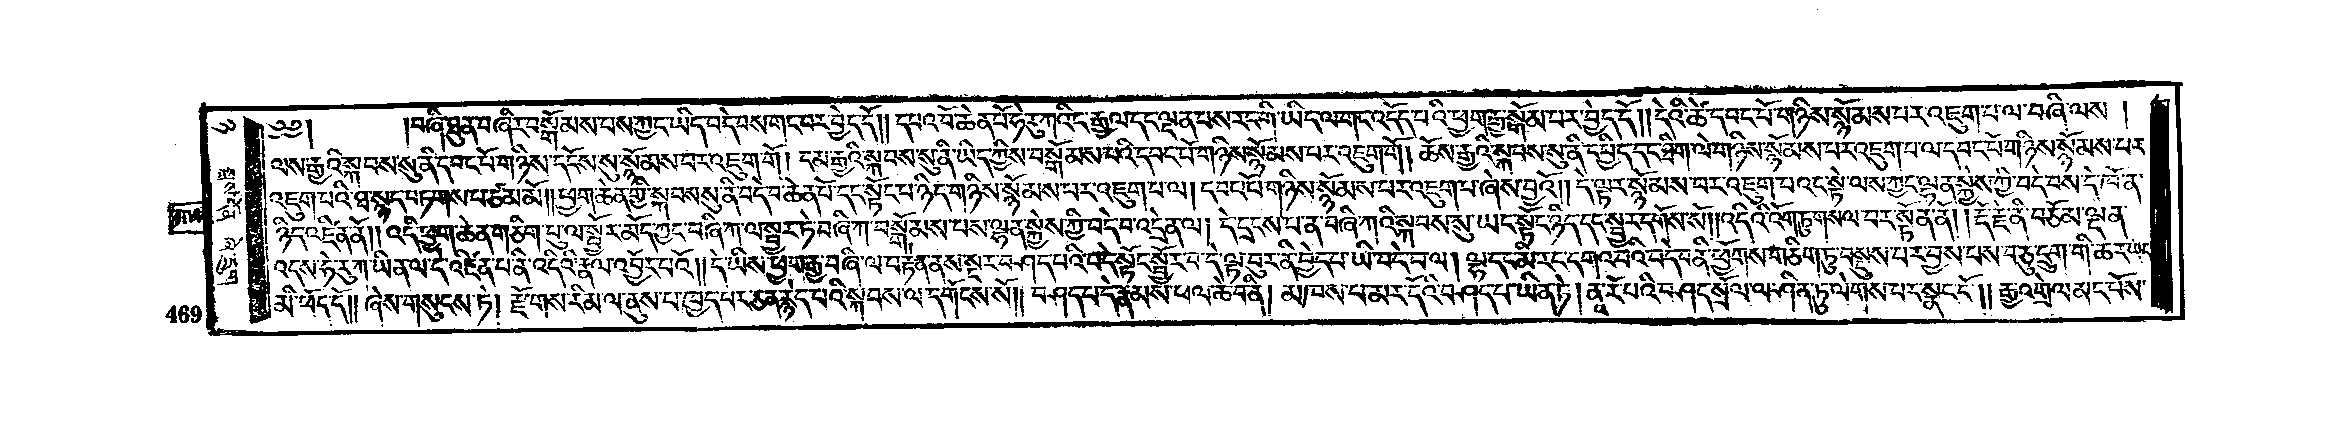༄༅། །བཞི་ཐུན་བཞིར་བསྒོམས་པས་ཀྱང་ཡིད་བདེ་བས་གང་བར་བྱེད་དོ། །དཔའ་བོ་ཆེན་པོ་ཧེ་རུ་ཀའི་ང་རྒྱལ་དང་ལྡན་པས་རང་གི་ཡིད་ལ་གང་འདོད་པའི་ཕྱག་རྒྱ་སྒོམ་པར་བྱེད་དོ། །དེའི་ཚེ་དབང་པོ་གཉིས་སྙོམས་པར་འཇུག་པ་ལ་བཞི་ལས།
ལས་རྒྱའི་སྐབས་སུ་ནི་དབང་པོ་གཉིས་དངོས་སུ་སྙོམས་པར་འཇུག་གོ །དམ་རྒྱའི་སྐབས་སུ་ནི་ཡིད་ཀྱིས་བསྒོམས་པའི་དབང་པོ་གཉིས་སྙོམས་པར་འཇུག་གོ །ཆོས་རྒྱའི་སྐབས་སུ་ནི་དཔྱིད་དང་ཐིག་ལེ་གཉིས་སྙོམས་པར་འཇུག་པ་ལ་དབང་པོ་གཉིས་སྙོམས་པར་
འཇུག་པའི་ཐ་སྙད་བཏགས་པ་ཙམ་མོ། །ཕྱག་ཆེན་གྱི་སྐབས་སུ་ནི་བདེ་བ་ཆེན་པོ་དང་སྟོང་པ་ཉིད་གཉིས་སྙོམས་པར་འཇུག་པ་ལ། དབང་པོ་གཉིས་སྙོམས་པར་འཇུག་པ་ཞེས་བྱའོ། །དེ་ལྟར་སྙོམས་པར་འཇུག་པའང་སྟེ་ལས་ཀྱང་ལྷན་སྐྱེས་ཀྱི་བདེ་བས་དེ་ཁོ་ན་
ཉིད་འཛིན་ནོ། །འདི་ཕྱག་ཆེན་གཅིག་པུ་ལ་སྦྱོར་མོད་ཀྱང་བཞི་ཀ་ལ་སྦྱར་ཏེ་བཞི་ཀ་བསྒོམས་པས་ལྷན་སྐྱེས་ཀྱི་བདེ་བ་འདྲེན་ལ། དེ་དྲངས་པ་ན་བཞི་ཀའི་སྐབས་སུ་ཡང་སྟོང་ཉིད་དང་སྦྱར་དགོས་སོ། །འདིའི་འོག་ཏུ་གསལ་བར་སྟོན་ནོ། །རྡོ་རྗེ་ནི་བཅོམ་ལྡན་
འདས་ཧེ་རུ་ཀ་ཡིན་ལ་དེ་འཛིན་པ་ནི་འདིའི་རྣལ་འབྱོར་པའོ། །དེ་ཡིས་ཕྱག་རྒྱ་བཞི་ལ་བརྟེན་ནས་སྔར་བཤད་པའི་བདེ་སྟོང་སྦྱོར་བ་དེ་ལྟ་བུར་ནི་བྱེད་པ་ཡི་བདེ་བ་ལ། ལྷ་དང་མི་རང་དགའ་བའི་བདེ་བ་ནི་ཕྱོགས་གཅིག་ཏུ་བསྡུས་པར་བྱས་པས་བཅུ་དྲུག་གི་ཆར་ཡང་
མི་ཕོད་དོ། །ཞེས་གསུངས་ཏེ། རྫོགས་རིམ་ལ་ནུས་པ་ཁྱད་པར་ཅན་རྙེད་པའི་སྐབས་ལ་དགོངས་སོ། །བཤད་པ་དེ་རྣམས་ཕལ་ཆེ་བ་ནི། མཁས་པ་མར་དོའི་བཤད་པ་ཡིན་ཏེ། ནཱ་རོ་པའི་བཤད་སྲོལ་ལ་ཤིན་ཏུ་ལེགས་པར་སྣང་ངོ། །རྒྱ་འགྲེལ་མང་པོས་